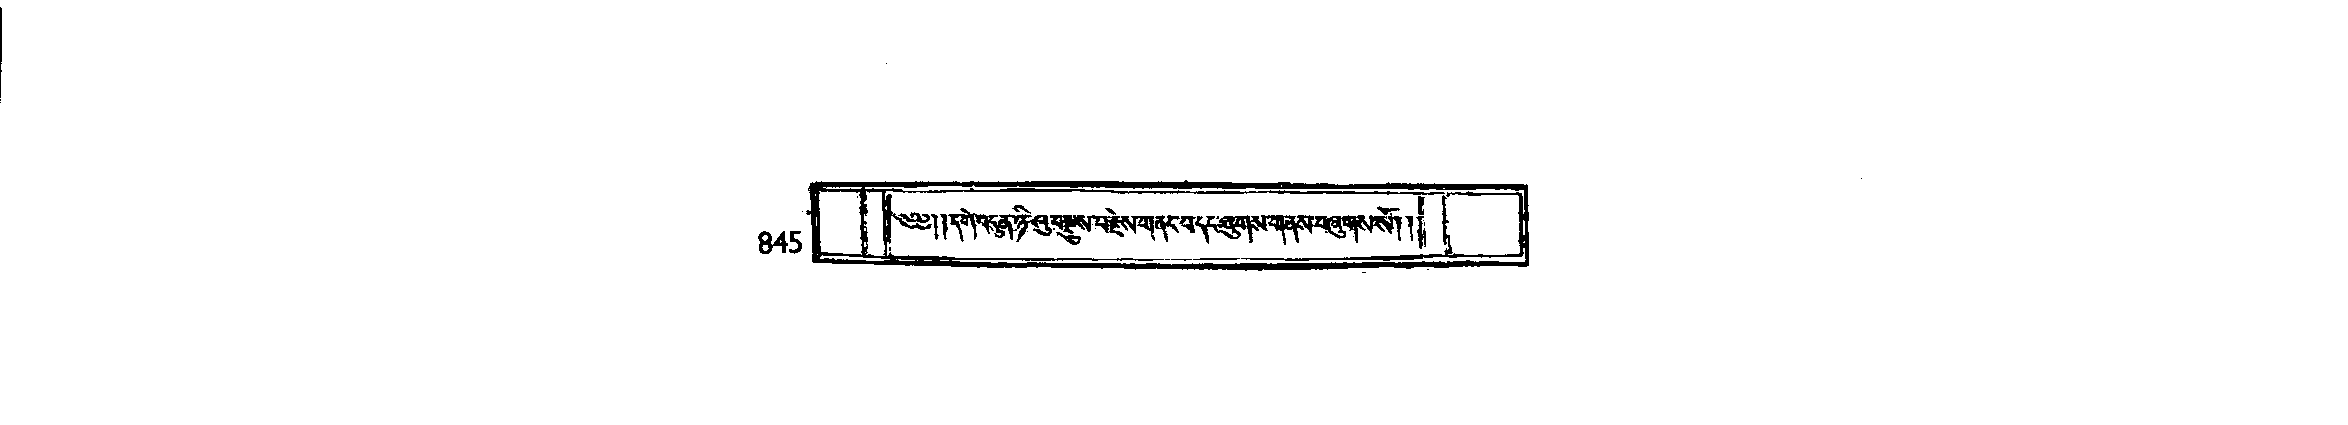༄༅།།དགེ་འདུན་ཉི་ཤུ་བསྡུས་པ་རྗེས་གནང་བ་དང་ཞུགས་གནས་བཞུགས་སོ།།